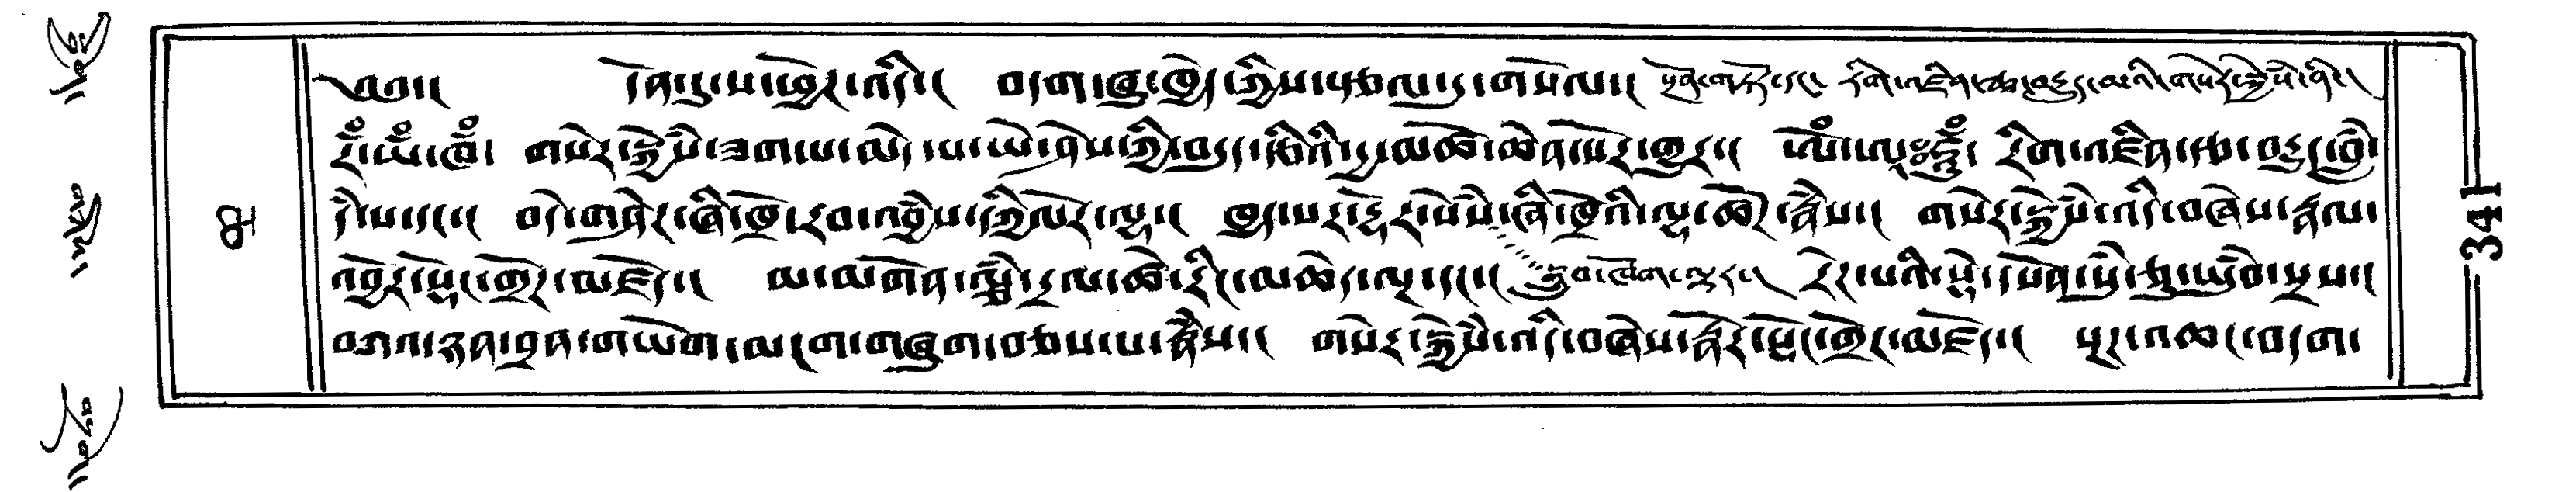དོན་དུ་ས་ཕྱོགས་འདི། །བདག་ཞུ་ཁྱེད་ཀྱིས་བསྩལ་དུ་གསོལ། སྔོན་གཏོར་དང་། རིག་འཛིན་རྩ་བརྒྱུད་མའི་གསེར་སྐྱེམས་ནི། 
རྃ་ཡྃ་ཁྃ། གསེར་སྐྱེམས་ཟག་པ་མེད་པ་ཡེ་ཤེས་ཀྱི་བདུད་རྩིའི་རྒྱ་མཚོ་ཆེན་པོར་གྱུར། ཨོཾ་ཨཱཿཧཱུྃ། རིག་འཛིན་རྩ་བརྒྱུད་བླ་མ་
དམ་པ་དང་། །བདེ་གཤེགས་ཞི་ཁྲོ་རབ་འབྱམས་དཀྱིལ་འཁོར་ལྷ། ཁྱད་པར་རྡོ་སེམས་ཞི་ཁྲོའི་ལྷ་ཚོགས་རྣམས། །གསེར་སྐྱེམས་འདི་བཞེས་རྣལ་
འབྱོར་སྡོང་གྲོགས་མཛོད། །མ་མགོན་ལྕམ་དྲལ་ཚེ་རིང་མཆེད་ལྔ་དང་། །དྲེགས་པའི་སྡེ་དཔོན་སུམ་ཅུ་ཡབ་ཡུམ་སྲས། །
བཀའ་ཉན་བྲན་གཡོག་མངག་གཞུག་བཅས་པ་རྣམས། །གསེར་སྐྱེམས་འདི་བཞེས་རྣལ་འབྱོར་སྡོང་གྲོགས་མཛོད། །སྔགས་འཆང་བདག་